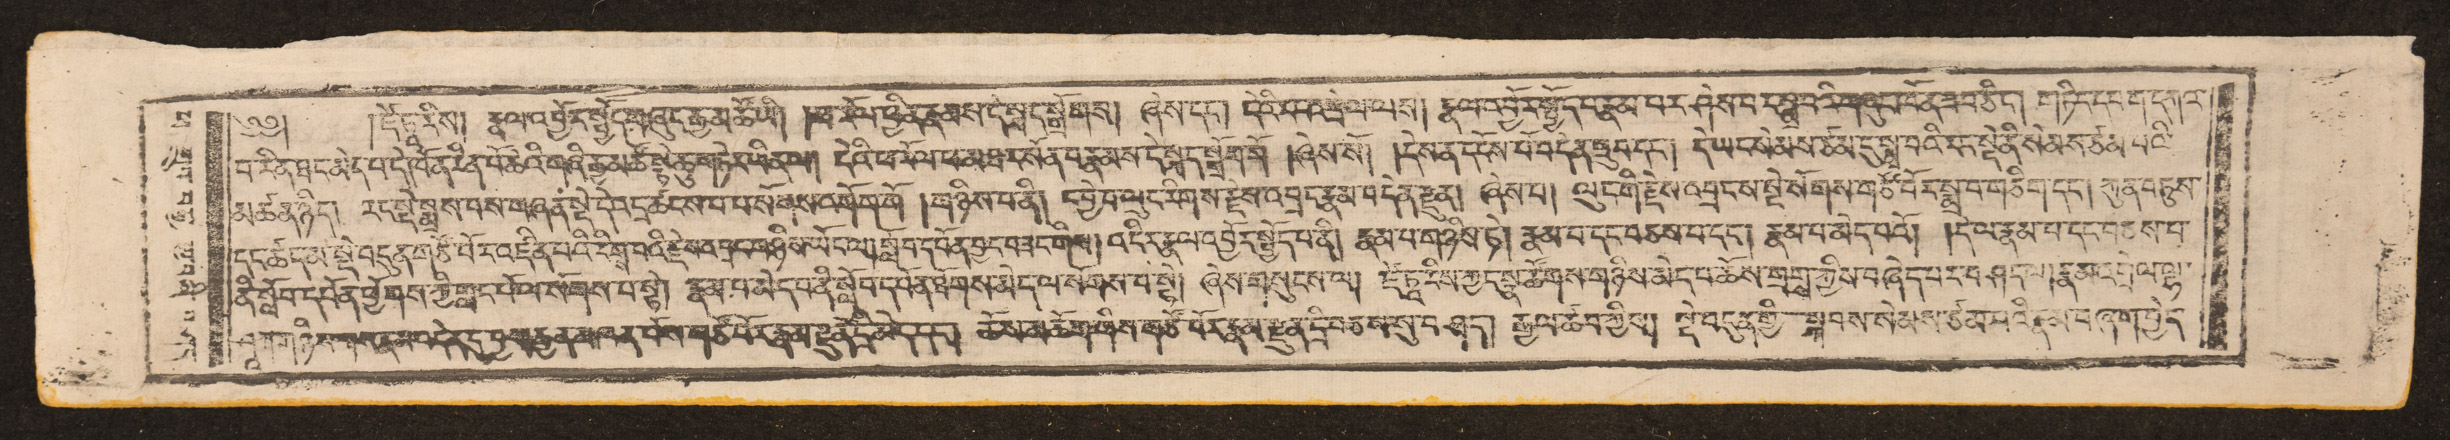༄༅། །ཛེ་ཏཱ་རིས། རྣལ་འབྱོར་སྤྱོད་གཞུང་རྒྱ་མཚོ་ཡི། །ཕ་རོལ་ཕྱིན་རྣམས་དེ་སྐད་སྒྲོགས། ཞེས་དང་། དེའི་རང་འགྲེལ་ལས། རྣལ་འབྱོར་སྤྱོད་པ་རྣམ་པར་ཤེས་པར་སྨྲ་བའི་གཞུང་ཁོ་ན་ཟབ་ཅིང་། གཏིང་དབག་དཀའ་
བ་རིན་ཐང་མེད་པ་དེ་ཁོ་ན་རིན་པོ་ཆེའི་གཞི་རྒྱ་མཚོ་སྟེ་ཆུ་གཏེར་ཡིན་ལ། དེའི་ཕ་རོལ་ཕ་མཐར་སོན་པ་རྣམས་དེ་སྐད་སྒྲོག་གོ །ཞེས་སོ། །དེས་ན་དངོས་པོ་བདེན་གྲུབ་དང་། དེ་ཡང་སེམས་ཙམ་དུ་སྨྲ་བའི་རང་སྡེ་ནི་སེམས་ཙམ་པའི་
མཚན་ཉིད། རང་སྡེ་སྨྲས་པས་གཞན་སྡེ་དེ་འདྲ་ཚངས་པ་པ་སོགས་འགོག་གོ །གཉིས་པ་ནི། དབྱེ་བ་ལུང་རིགས་རྗེས་འབྲང་རྣམ་བདེན་རྫུན། ཞེས་པ། ལུང་གི་རྗེས་འབྲངས་སྡེ་སོགས་གཙོ་བོར་སྨ་བ་གཅིག་དང་། ཀུན་བཏུས་
དང་ཚད་མ་སྡེ་བདུན་གཙོ་བོར་འཛིན་པའི་རིགས་པའི་རྗེས་འབྲང་གཉིས་ཡོད་ལ། སློབ་དཔོན་བྱང་བཟང་གིས། འདིར་རྣལ་འབྱོར་སྤྱོད་པ་ནི། རྣམ་པ་གཉིས་ཏེ། རྣམ་པ་དང་བཅས་པ་དང་། རྣམ་པ་མེད་པའོ། །དེ་ལ་རྣམ་པ་དང་བཅས་པ་
ནི་སློབ་དཔོན་ཕྱོགས་ཀྱི་གླང་པོ་ལ་སོགས་པ་སྟེ། རྣམ་པ་མེད་པ་ནི་སློབ་དཔོན་ཐོགས་མེད་ལ་སོགས་པ་སྟེ། ཞེས་གསུངས་ལ། ཛེ་ཏཱ་རིས་ཀྱང་སྣ་ཚོགས་གཉིས་མེད་པ་ཆོས་གྲགས་ཀྱིས་བཞེད་པར་བཤད་ལ། རྣམ་འགྲེལ་ལྷ་
ཤཱཀ་གཉིས་ཀས་རྣམ་བདེན་དུ་བྱས། རྒྱན་མཁན་པོས་གཙོ་བོར་རྣམ་རྫུན་དྲི་མེད་དང་། ཆོས་མཆོག་གིས་གཙོ་བོར་རྣམ་རྫུན་དྲི་བཅས་སུ་བཤད། རྒྱལ་ཚབ་ཀྱིས། སྡེ་བདུན་གྱི་སྐབས་སེམས་ཙམ་པའི་རྣམ་བཞག་བྱེད་